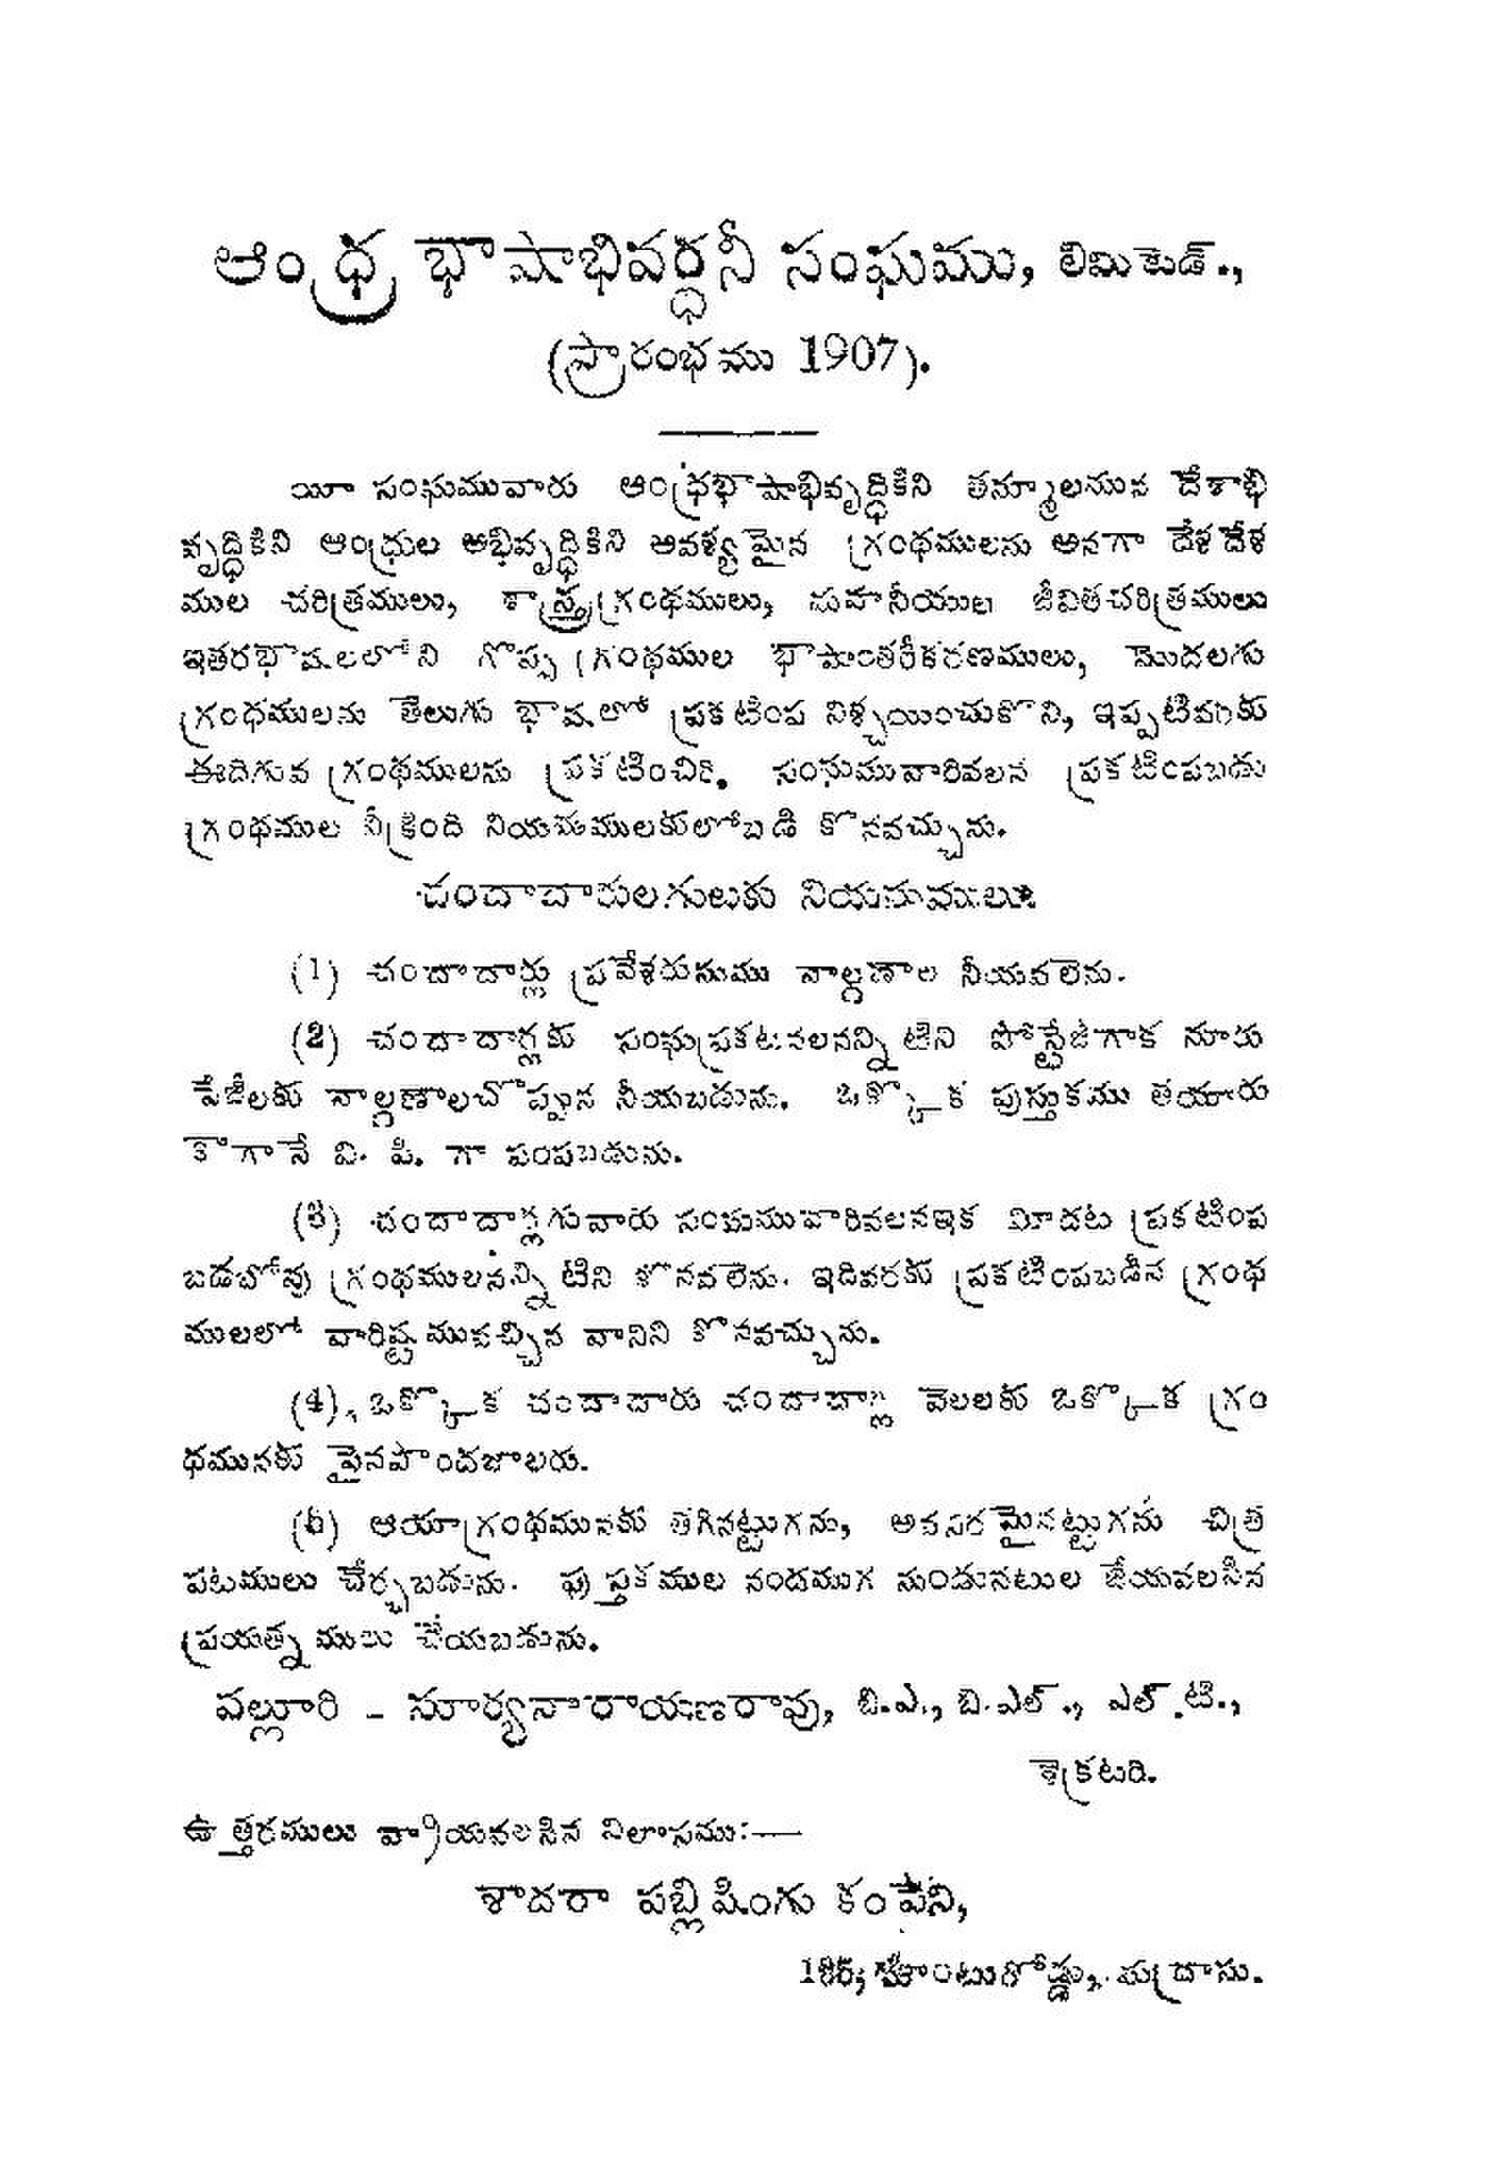ఆంధ్రభాషాభివర్ధనీ సంఘము, లిమిటెడ్.,
(ప్రారంభము 1907).

యీ సంఘమువారు ఆంధ్రభాషాభివృద్దికిని తన్మూలమున దేశాభివృద్దికిని ఆంధ్రుల అభివృద్దికిని ఆవశ్యమైన గ్రంథములను అనగా దేశదేశముల చరిత్రములు, శాస్త్రగ్రంథములు, మహనీయుల జీవితచరిత్రములు ఇతరభాషలలోని గొప్ప గ్రంథముల భాషాంతరీకరణములు, మొదలగు గ్రంథములను తెలుగు భాషలో ప్రకటింప నిశ్చయించుకొని, ఇప్పటివరకు ఈదిగువ గ్రంథములను ప్రకటించిరి. సంఘమువారివలన ప్రకటింపబడు గ్రంథముల నీక్రింది నియమములకులోబడి కొనవచ్చును.

చందాదారులగుటకు నియమములు 

(1) చందాదార్లు ప్రవేశరుసుము నాల్గణాల నీయవలెను.

(2) చందాదార్లకు సంఘప్రకటనలనన్నిటిని పోస్టేజీగాక నూరు పేజీలకు నాల్గణాలచొప్పున నీయబడును. ఒక్కొక పుస్తుకము తయారు కాగానే వి. పి. గా పంపబడును.

(3) చందాదార్లగువారు సంఘమువారివలనఇక మీదట ప్రకటింప బడబోవు గ్రంథముల నన్నిటిని కొనవలెను. ఇదివరకు ప్రకటింపబడిన గ్రంథములలో వారిష్టమువచ్చిన వానిని కొనవచ్చును.

(4) ఒక్కొక చందాదారు చందాదార్ల వెలలకు ఒక్కొక గ్రంధమునకు ఫైనపొందజాలరు.

(5) ఆయాగ్రంథమునకు తగినట్టుగను, అవసరమైనట్టుగను చిత్రపటములు చేర్చబడును. పుస్తకముల నందముగ నుండునటుల జేయవలసిన ప్రయత్నములు చేయబడును. 

 

ఉత్తరములు వ్రాయవలసిన విలాసము:-

శారదా పబ్లిషింగు కంపెనీ,

185; మౌంటురోడ్డు, మద్రాసు.